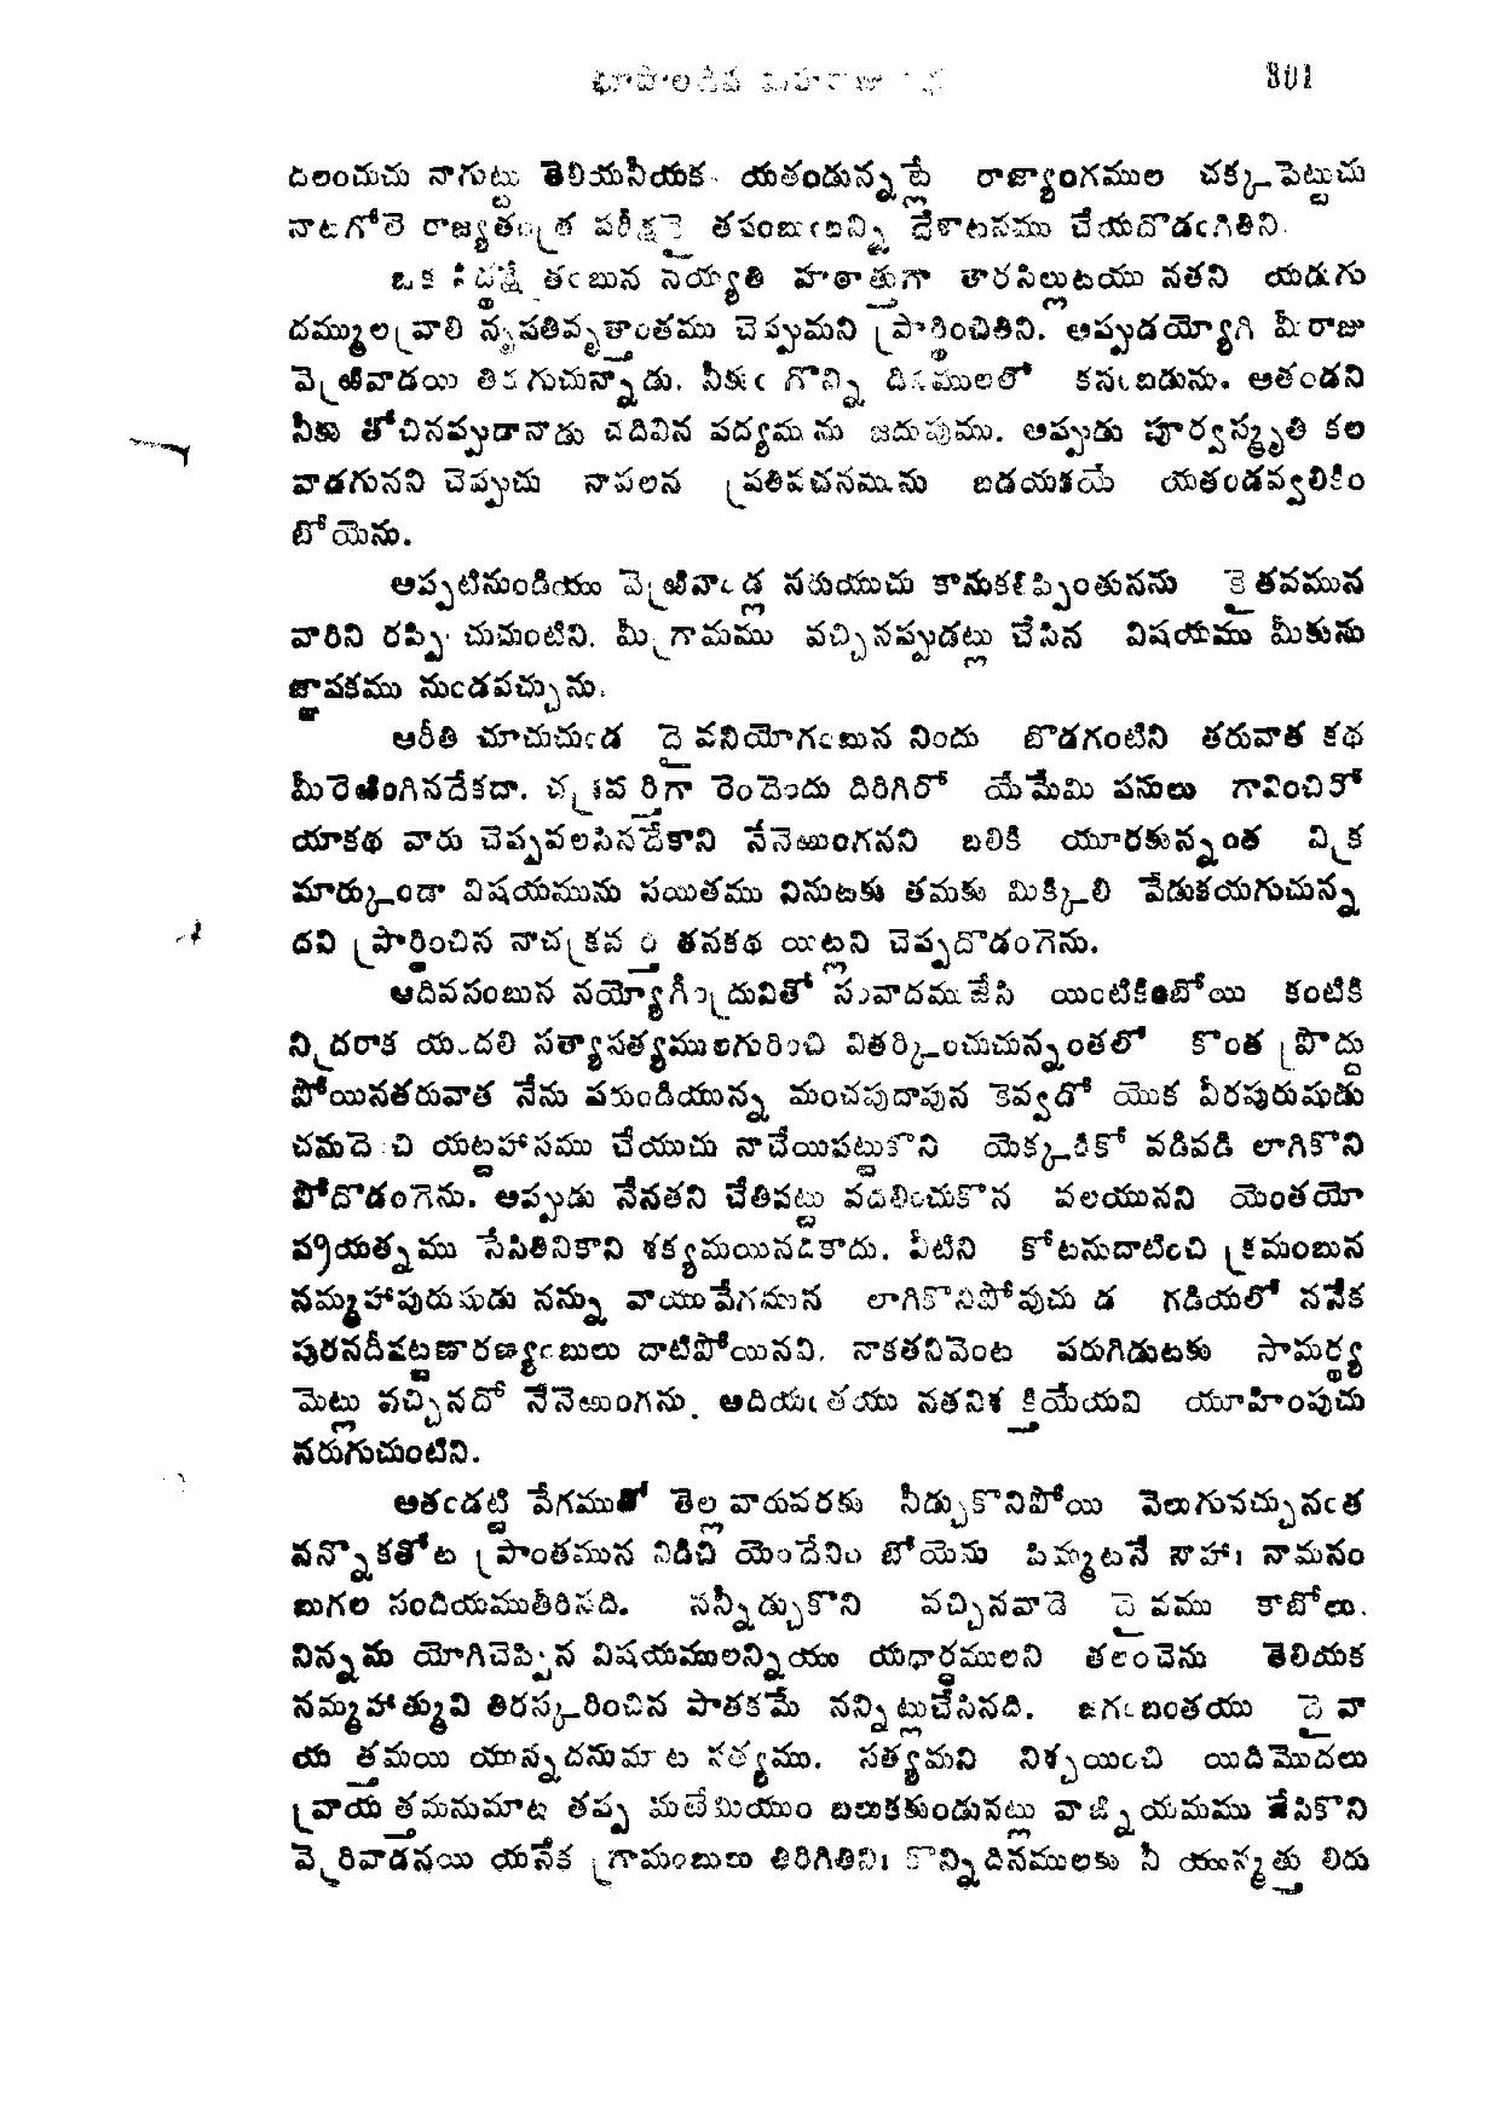దలంచుచు నాగుట్టు తెలియనీయక యతండున్నట్లే రాజ్యాంగముల చక్కపెట్టుచు నాటగోలె
రాజ్యతంత్రపరీక్షకై తపంబుఁ బన్ని దేశాటనము చేయదొడఁగితిని.

ఒక సిద్దక్షేత్రంబున నయ్యతి హఠాత్తుగా తారసిల్లుటయు నతని యడుగుదమ్ముల వ్రాలి నృపతివృత్తాంతము చెప్పుమని ప్రార్థించితిని. అప్పుడయ్యోగి మీరాజు వెఱ్రివాడయి తిరుగుచున్నాడు. నీకుఁ గొన్నిదినములలో కనఁబడును. ఆతండని నీకు తోచినప్పు డానాడు చదివిన పద్యమును జదువుము. అప్పుడు పూర్వస్మృతి కలవాడగునని చెప్పుచు నావలన ప్రతివచనమును బడయకయే యతండవ్వలికిం బోయెను.

అప్పటినుండియు వెఱ్రివాండ్ల నరయుచు కానుకలిప్పింతునను కైతవమున వారిని రప్పించుచుంటిని. మీగ్రామము వచ్చినప్పుడట్లు చేసిన విషయము మీకును జ్ఞాపకము నుండవచ్చును.

ఆరీతి చూచుచుండ దైవనియోగంబున నిందు బొడగంటిని తరువాత కథ మీరెఱింగినదేకదా. చక్రవర్తిగా రెందెందు దిరిగిరో యేమేమి పనులు గావించిరో యాకథ వారు చెప్పవలసినదేకాని నేనెఱుంగనని బలికి యూరకున్నంత విక్రమార్కుండా విషయమును సయితము వినుటకు తమకు మిక్కిలి వేడుకయగుచున్నదని ప్రార్ధించిన నాచక్రవర్తి తనకథ యిట్లని చెప్పదొడంగెను.

ఆదివసంబున నయ్యోగింద్రునితో సంవాదముజేసి యింటికింబోయి కంటికి నిద్రరాక యందలి సత్యాసత్యములగురించి వితర్కించుచున్నంతలో కొంత ప్రొద్దు పోయినతరువాత నేను పరుండియున్న మంచపుదాపున కెవ్వడో యొక వీరపురుషుడు చనుదెంచి యట్టహాసము చేయుచు నాచేయిపట్టుకొని యెక్కడికో వడివడి లాగికొని పోదొడంగెను. అప్పుడు నేనతని చేతిపట్టు వదలించుకొన వలయునని యెంతయో ప్రయత్నము సేసితినికాని శక్యమయినదికాదు. వీటిని కోటను దాటించి క్రమంబున
నమ్మహాపురుషుడు నన్ను వాయువేగమున లాగికొనిపోవుచుండ గడియలో ననేక
పురనదీపట్టణారణ్యంబులు దాటిపోయినవి. నాకతనివెంట పరుగిడుటకు సామర్థ్య మెట్లు వచ్చినదో నేనెఱుంగను. అదియంతయు నతనిశక్తియేయని యూహింపుచు నరుగుచుంటిని.

అతండట్టి వేగముతో తెల్లవారువరకు నీడ్చుకొనిపోయి వెలుగువచ్చునంత నన్నొకతోట ప్రాంతమున విడిచి యెందేనిం బోయెను పిమ్మటనే నాహా! నామనంబుగల సందియముతీరినది. నన్నీడ్చుకొని 
వచ్చినవాడె దైవము కాబోలు. నిన్నను యోగిచెప్పిన విషయములన్నియు యథార్ధములని తలంచెను తెలియక నమ్మహాత్మువి తిరస్కరించిన పాతకమే నన్నిట్లుచేసినది. జగంబంతయు దైవాయత్తమయి యున్నదనుమాట సత్యము. సత్యమని నిశ్చయించి యిదిమొదలు దైవాయత్తమనుమాట తప్ప మఱేమియుం బలుకకుండువట్లు వాఙ్నియమము జేసికొని వెర్రివాడనయి యనేక గ్రామంబులు తిరిగితిని! కొన్నిదినములకు నీ యున్మత్తు లిరు